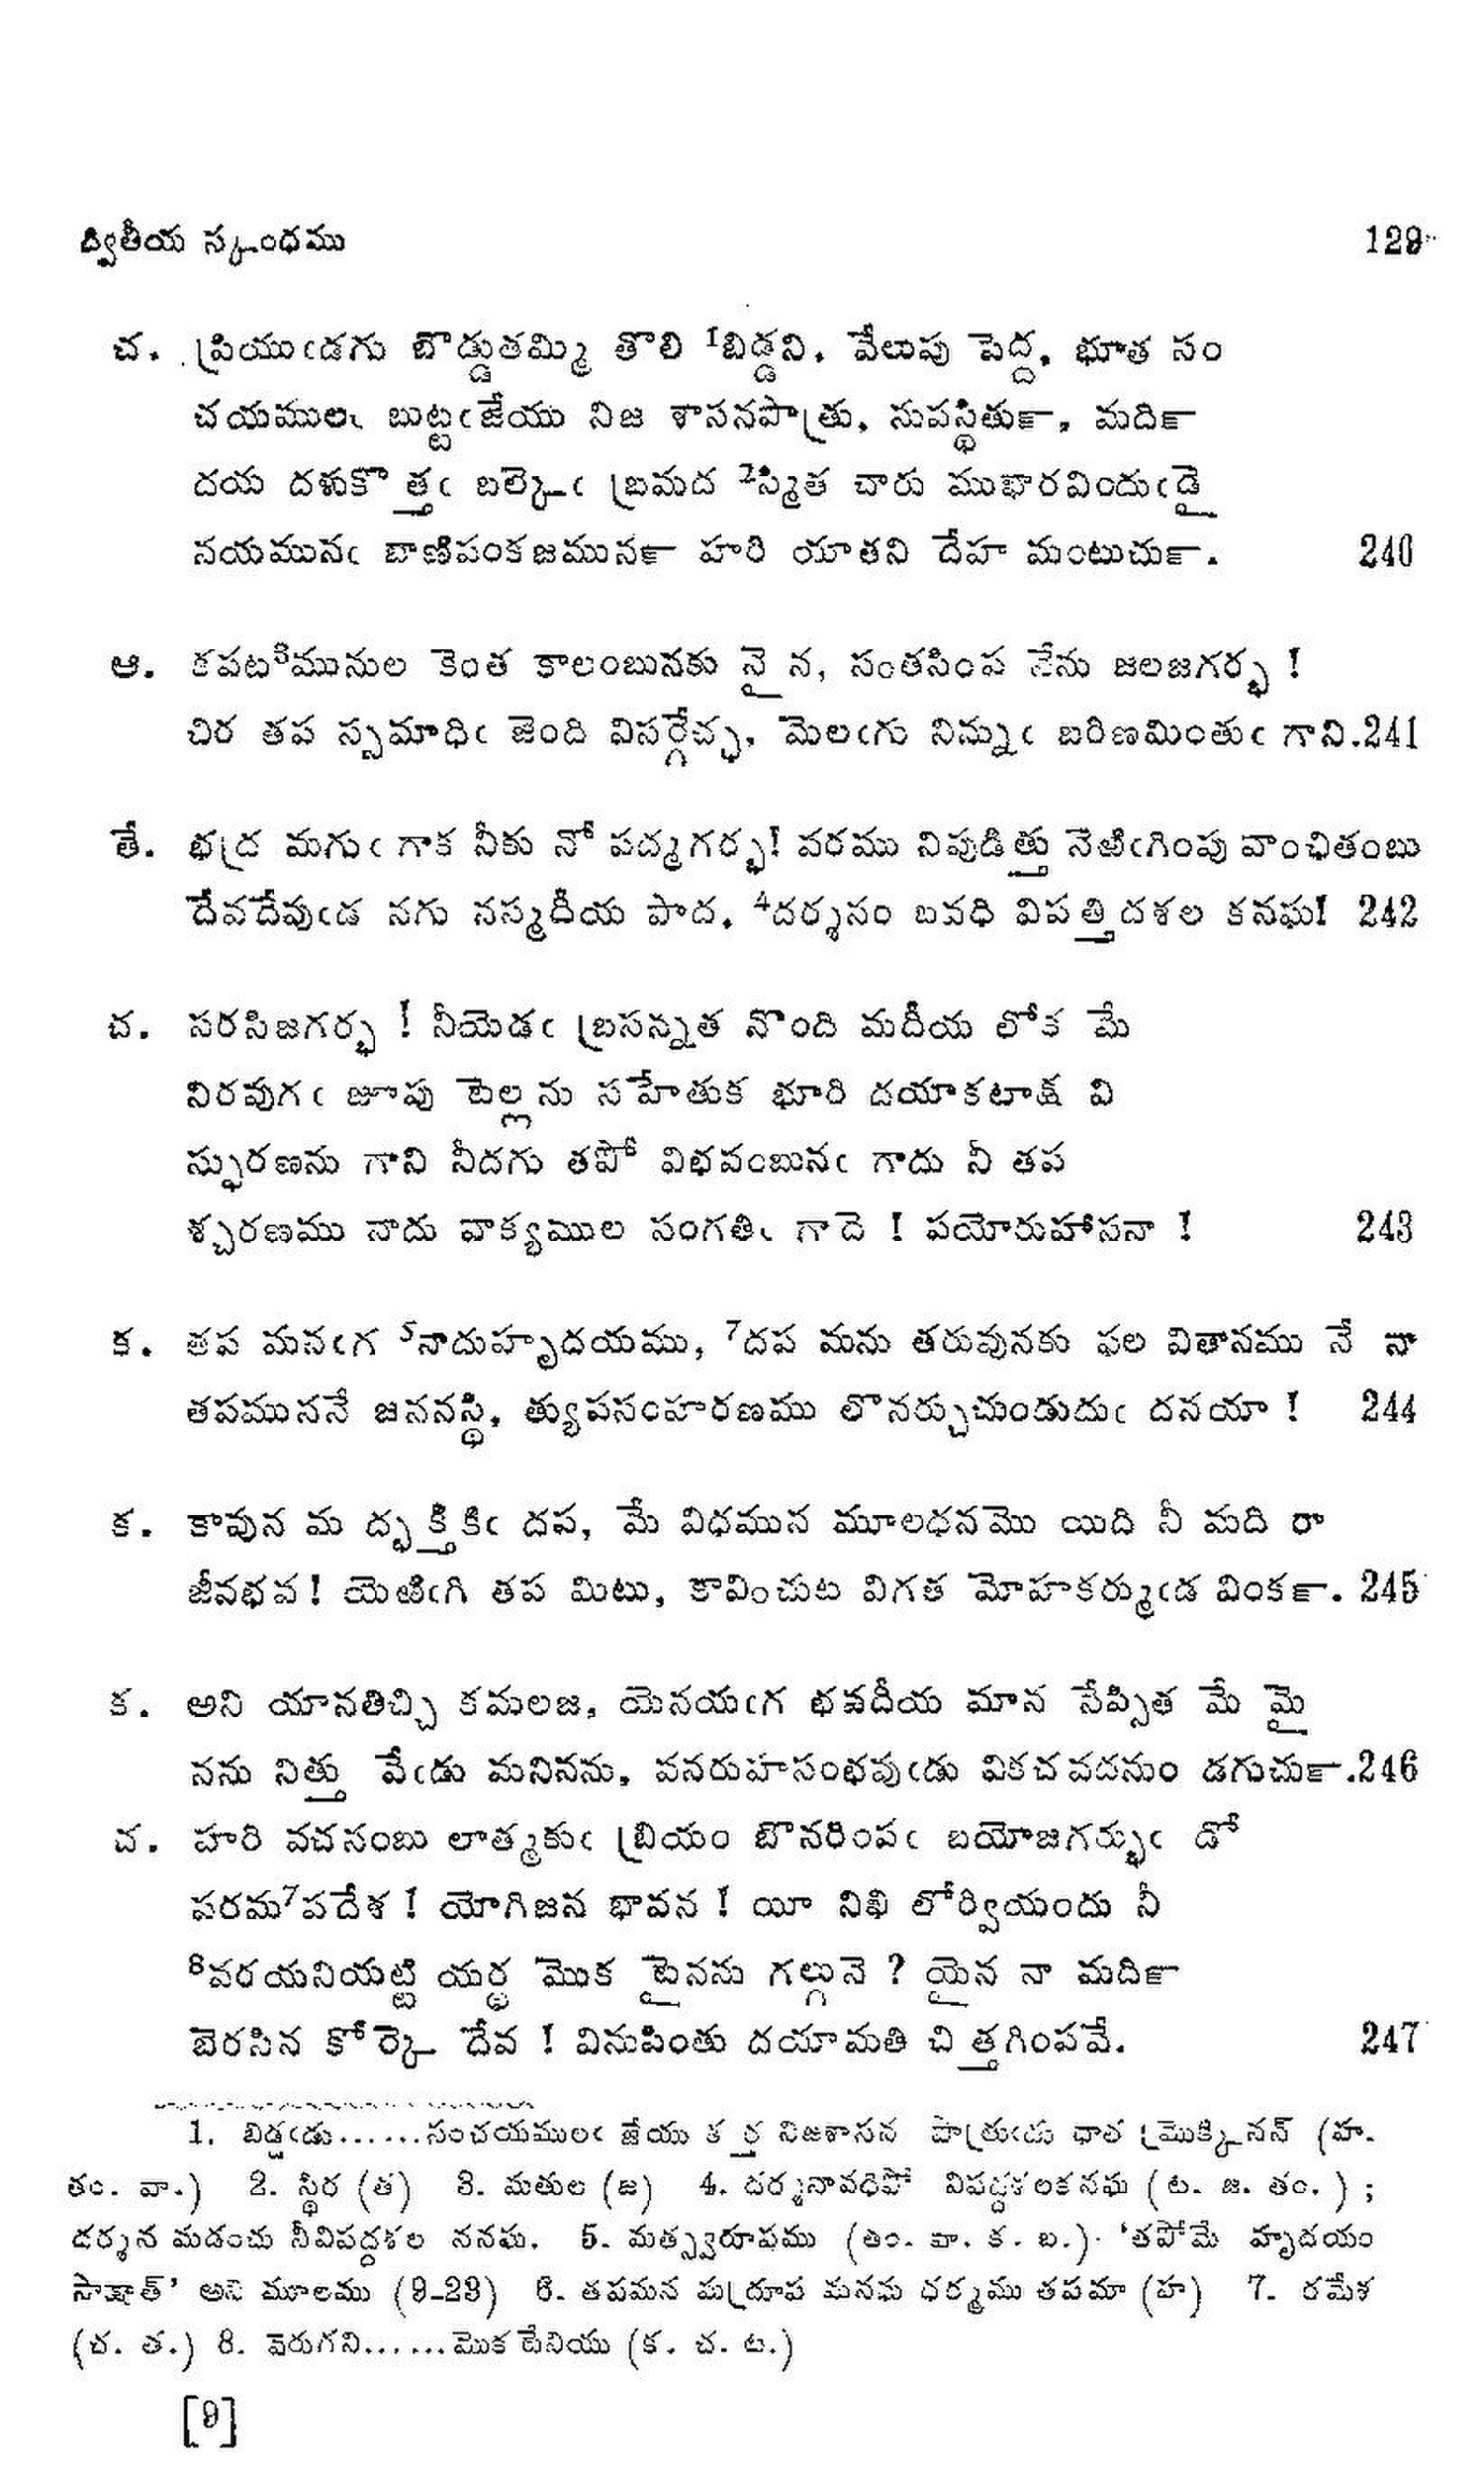129

చ. ప్రియుడగు బొడ్డుతమ్మి తొలి బిడ్డని, వేలుపు పెద్ద, భూత సం

చయములఁ బుట్టఁజేయు నిజ శాసనపాత్రు, నుపస్థితున్, మదిన్

దయ దళుకొత్తఁ బల్కెఁ బ్రమద స్మిత చారు ముఖారవిందుఁడై

నయమునఁ బాణింపక జమునన్ హరి యాతని దేహ మంటుచున్. (240)

ఆ. కపట మునుల కెంత కాలంబునకు నైన, సంతసింప నేను జలగర్భ!

చిర తప స్సమాధిఁ జెంది విసర్గేచ్చ మెలఁగు నిన్నుఁ బరిణమింతుఁ గాని. (241)

తే. భద్ర మగుఁ గాక నీకు నో పద్మగర్భ! వరము నిపుడిత్తు నెఱిఁగింపు వాంఛితంబు 

దేవదేవుఁడ నగు నస్మదీయ పాద, దర్శనం బవధి విపత్తి దశల కనషు! (242)

చ. సరసిజగర్భ ! నీయెడఁ బ్రసన్నత నొంది మదీయ లోక మే

నిరవుగఁ జూపు టెల్లను సహేతుక భూరి దయాకటాక్ష వి

స్ఫురణను గాని నీదగు తపో విభవంబునఁ గాదు నీ తప

శ్చరణము నాదు వాక్యముల సంగతిఁ గాదె ! పయోరుహాసనా ! (243)

క. తప మనఁగ నాదుహృదయము, దప మను తరువునకు ఫల వితానము నే నా

తపముననే జననస్థి, త్యుపసంహారణము లొనర్చుచుండుదుఁ దనయా ! (244)

క. కావున మ ద్భక్తికిఁ దప, మే విధమున మూలధనమొ యిది నీ మది రా

జీవభవ ! యెఱిఁగి తప మిటు, కావించుట విగత మోహకర్ముఁడ వింకన్. (245)

క. అని యానతిచ్చి కమలజ, యెనయఁగ భవదీయ మాన సేప్సిత మే మై

నను నిత్తు వేఁడు మనినను, వనరుహసంభవుఁడు వికచవదనుం డగుచున్. (246)

చ. హరి వచనంబు లాత్మకుఁ బ్రియం బొనరింపఁ బయోజగర్భుఁడో

పరమ పదేశ ! యోగిజన భావన ! యీ నిఖి లోర్వియందు నీ

వరయనియట్టి యర్థ మొక టైనను గల్గునె ? యైన నా మదిన్

బెరసిన కోర్కె దేవ ! వినుపింతు దయామతి చిత్తగింపవే. (247)